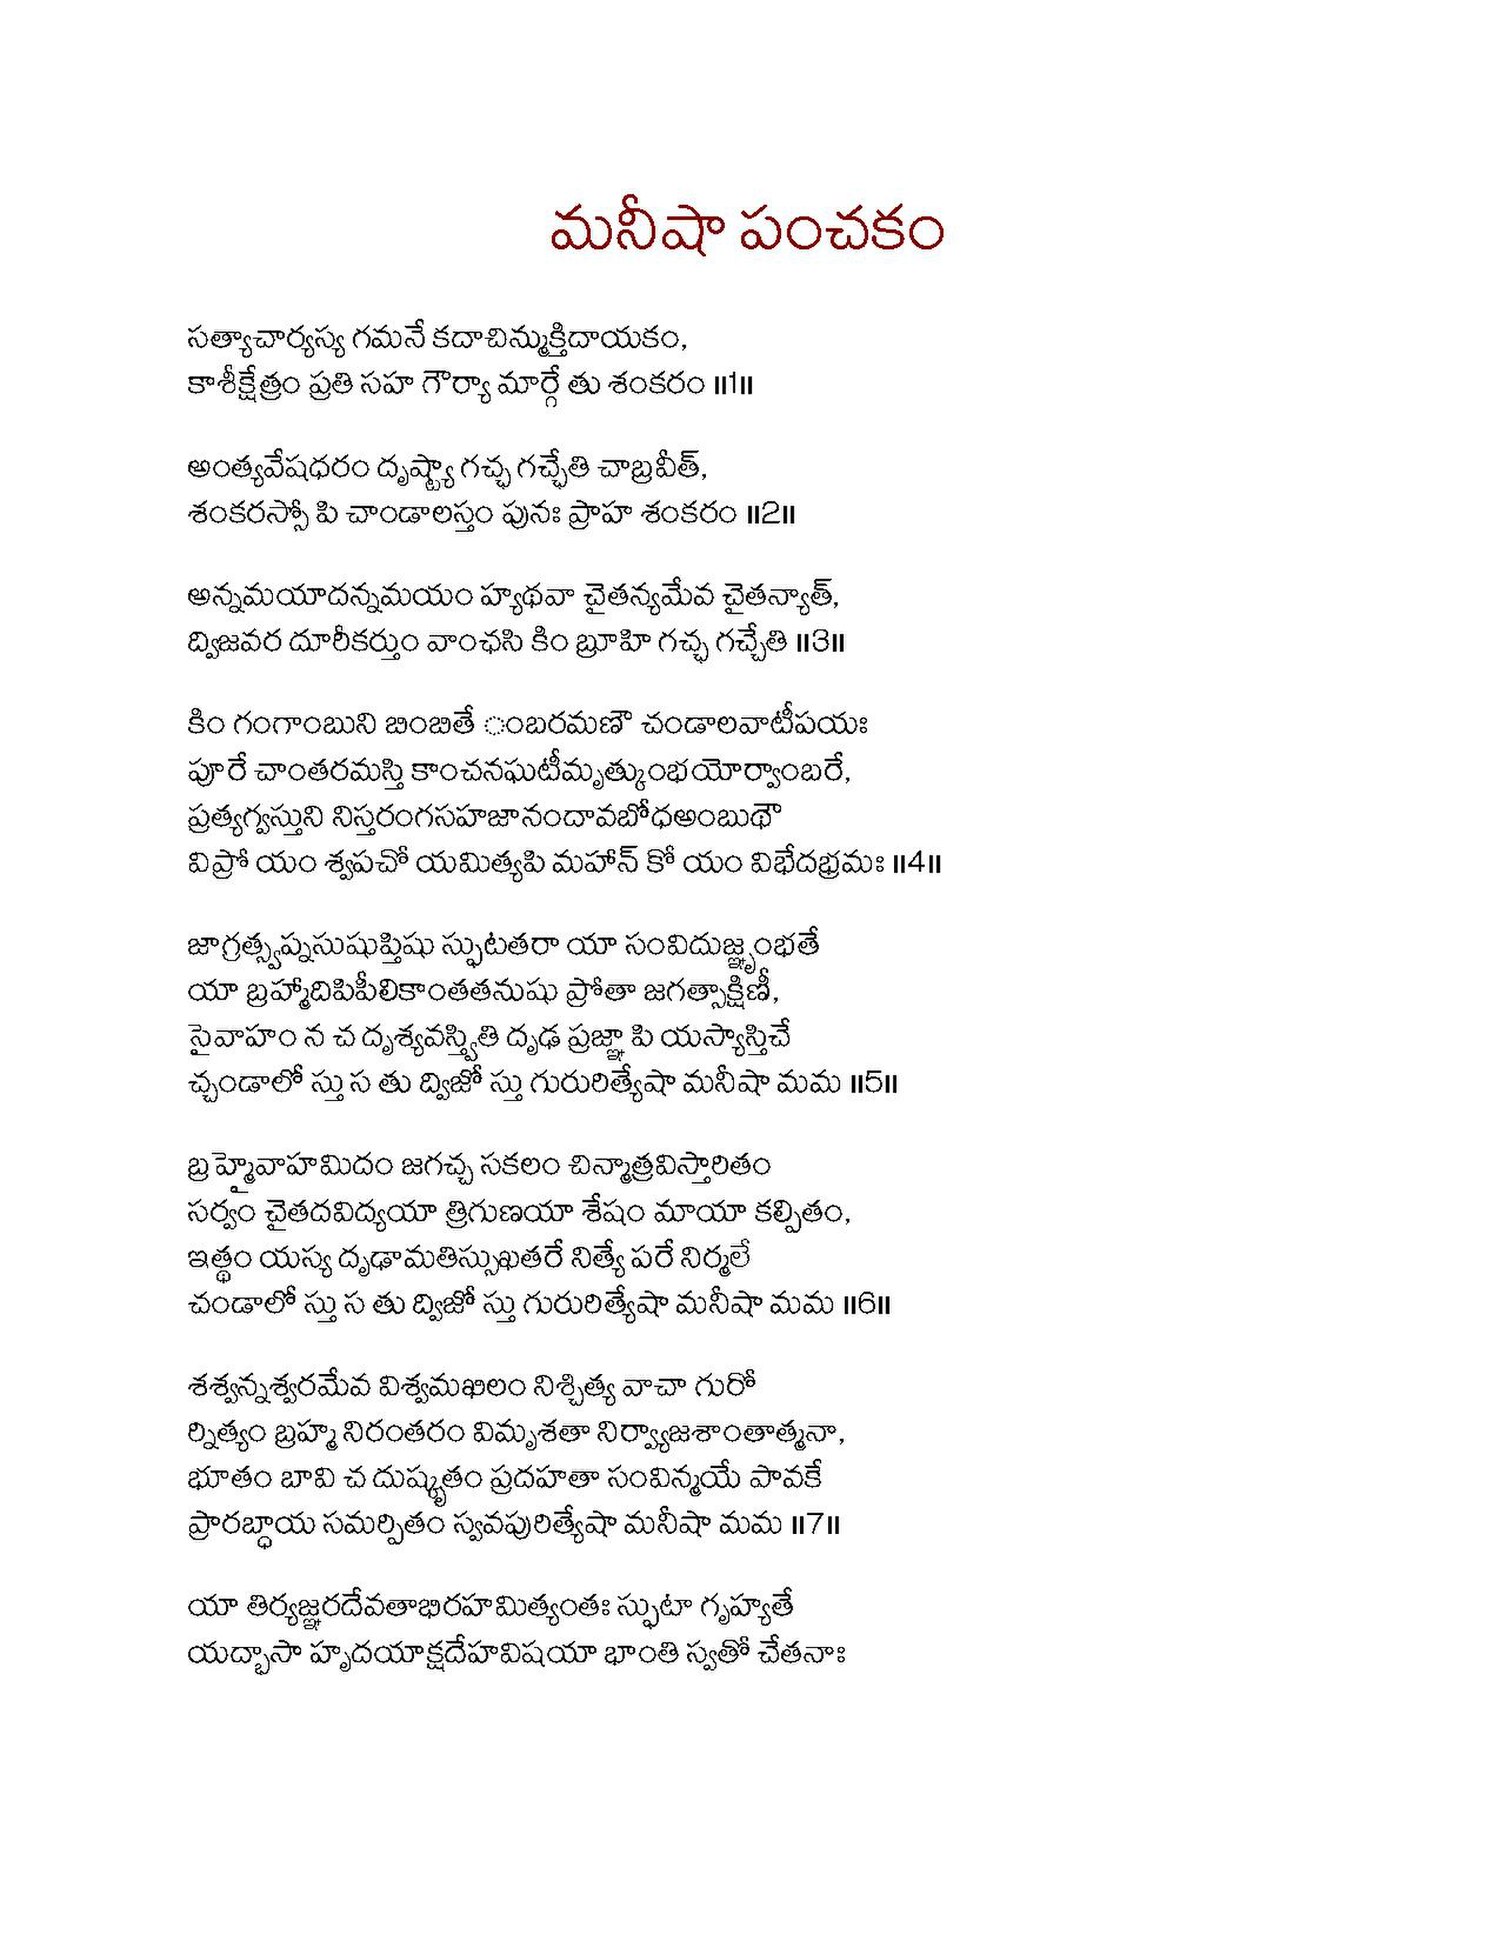సత్యాచార్యస్య గమనే కదాచిన్ముక్తిదాయకం,
కాశీక్షేత్రం ప్రతి సహ గౌర్యా మార్లేతు శంకరం ||1||

అంత్యవేషధరం దృష్ట్యా గచ్ఛగచ్ఛేతి చాబ్రవీత్,
శంకరస్సోపి చాండాలస్తం పునః ప్రాహ శంకరం ||2||

అన్నమయాదన్నమయం హ్యథవా చైతన్యమేవ చైతన్యాత్,
ద్విజవర దూరీకర్తుం వాంఛసి కిం బ్రూహి గచ్ఛ గచ్చేతి ||3||

కిం గంగాంబుని బింబితేంబరమణా చండాలవాటీపయః
పూరే చాంతరమస్తి కాంచనఘటీమృత్కుంభయోర్వాంబరే,
ప్రత్యగ్వస్తుని నిస్తరంగసహజానందావబోధాంబుధౌ
విప్రో యం శ్వపచోయమిత్యపి మహాన్ కోయం విభేద భ్రమః ||4||

జాగ్రత్స్వప్నసుషుప్తిషు స్ఫుటతరా యా సంవిదుజ్ఞృంభతే
యా బ్రహ్మాదిపిపీలికాంతతనుషు ప్రోతా జగత్సాక్షిణీ,
సైవాహం న చదృశ్యవస్త్వితి దృఢ ప్రజ్ఞాపి యస్యాస్తిచే
చ్చండాలో స్తు స తు ద్విజోస్తు గురురిత్యేషా మనీషా మమ ||5||

బ్రహ్మైవాహమిదం జగచ్చ సకలం చిన్మాత్రవిస్తారితం
సర్వం చైతదవిద్యయా త్రిగుణయా శేషం మాయా కల్పితం,
ఇత్థం యస్య దృఢామతిస్సుఖతరే నిత్యే పరే నిర్మలే
చండాలో స్తు స తు ద్విజోస్తు గురురిత్యేషా మనీషా మమ ||6||

శశ్వన్నశ్వరమేవ విశ్వమఖిలం నిశ్చిత్య వాచా గురో
ర్నిత్యం బ్రహ్మ నిరంతరం విమృశతా నిర్వ్యాజశాంతాత్మనా,
భూతం బావి చ దుష్కృతం ప్రదహతా సంవిన్మయే పావకే
ప్రారబ్దాయ సమర్పితం స్వవపురిత్యేషా మనీషా మమ || 7 ||

యా తిర్యజ్ఞరదేవతాభిరహమిత్యంతః స్ఫుటా గృహ్యతే
యద్భాసా హృదయాక్షదేహవిషయా భాంతి స్వతో చేతనాః